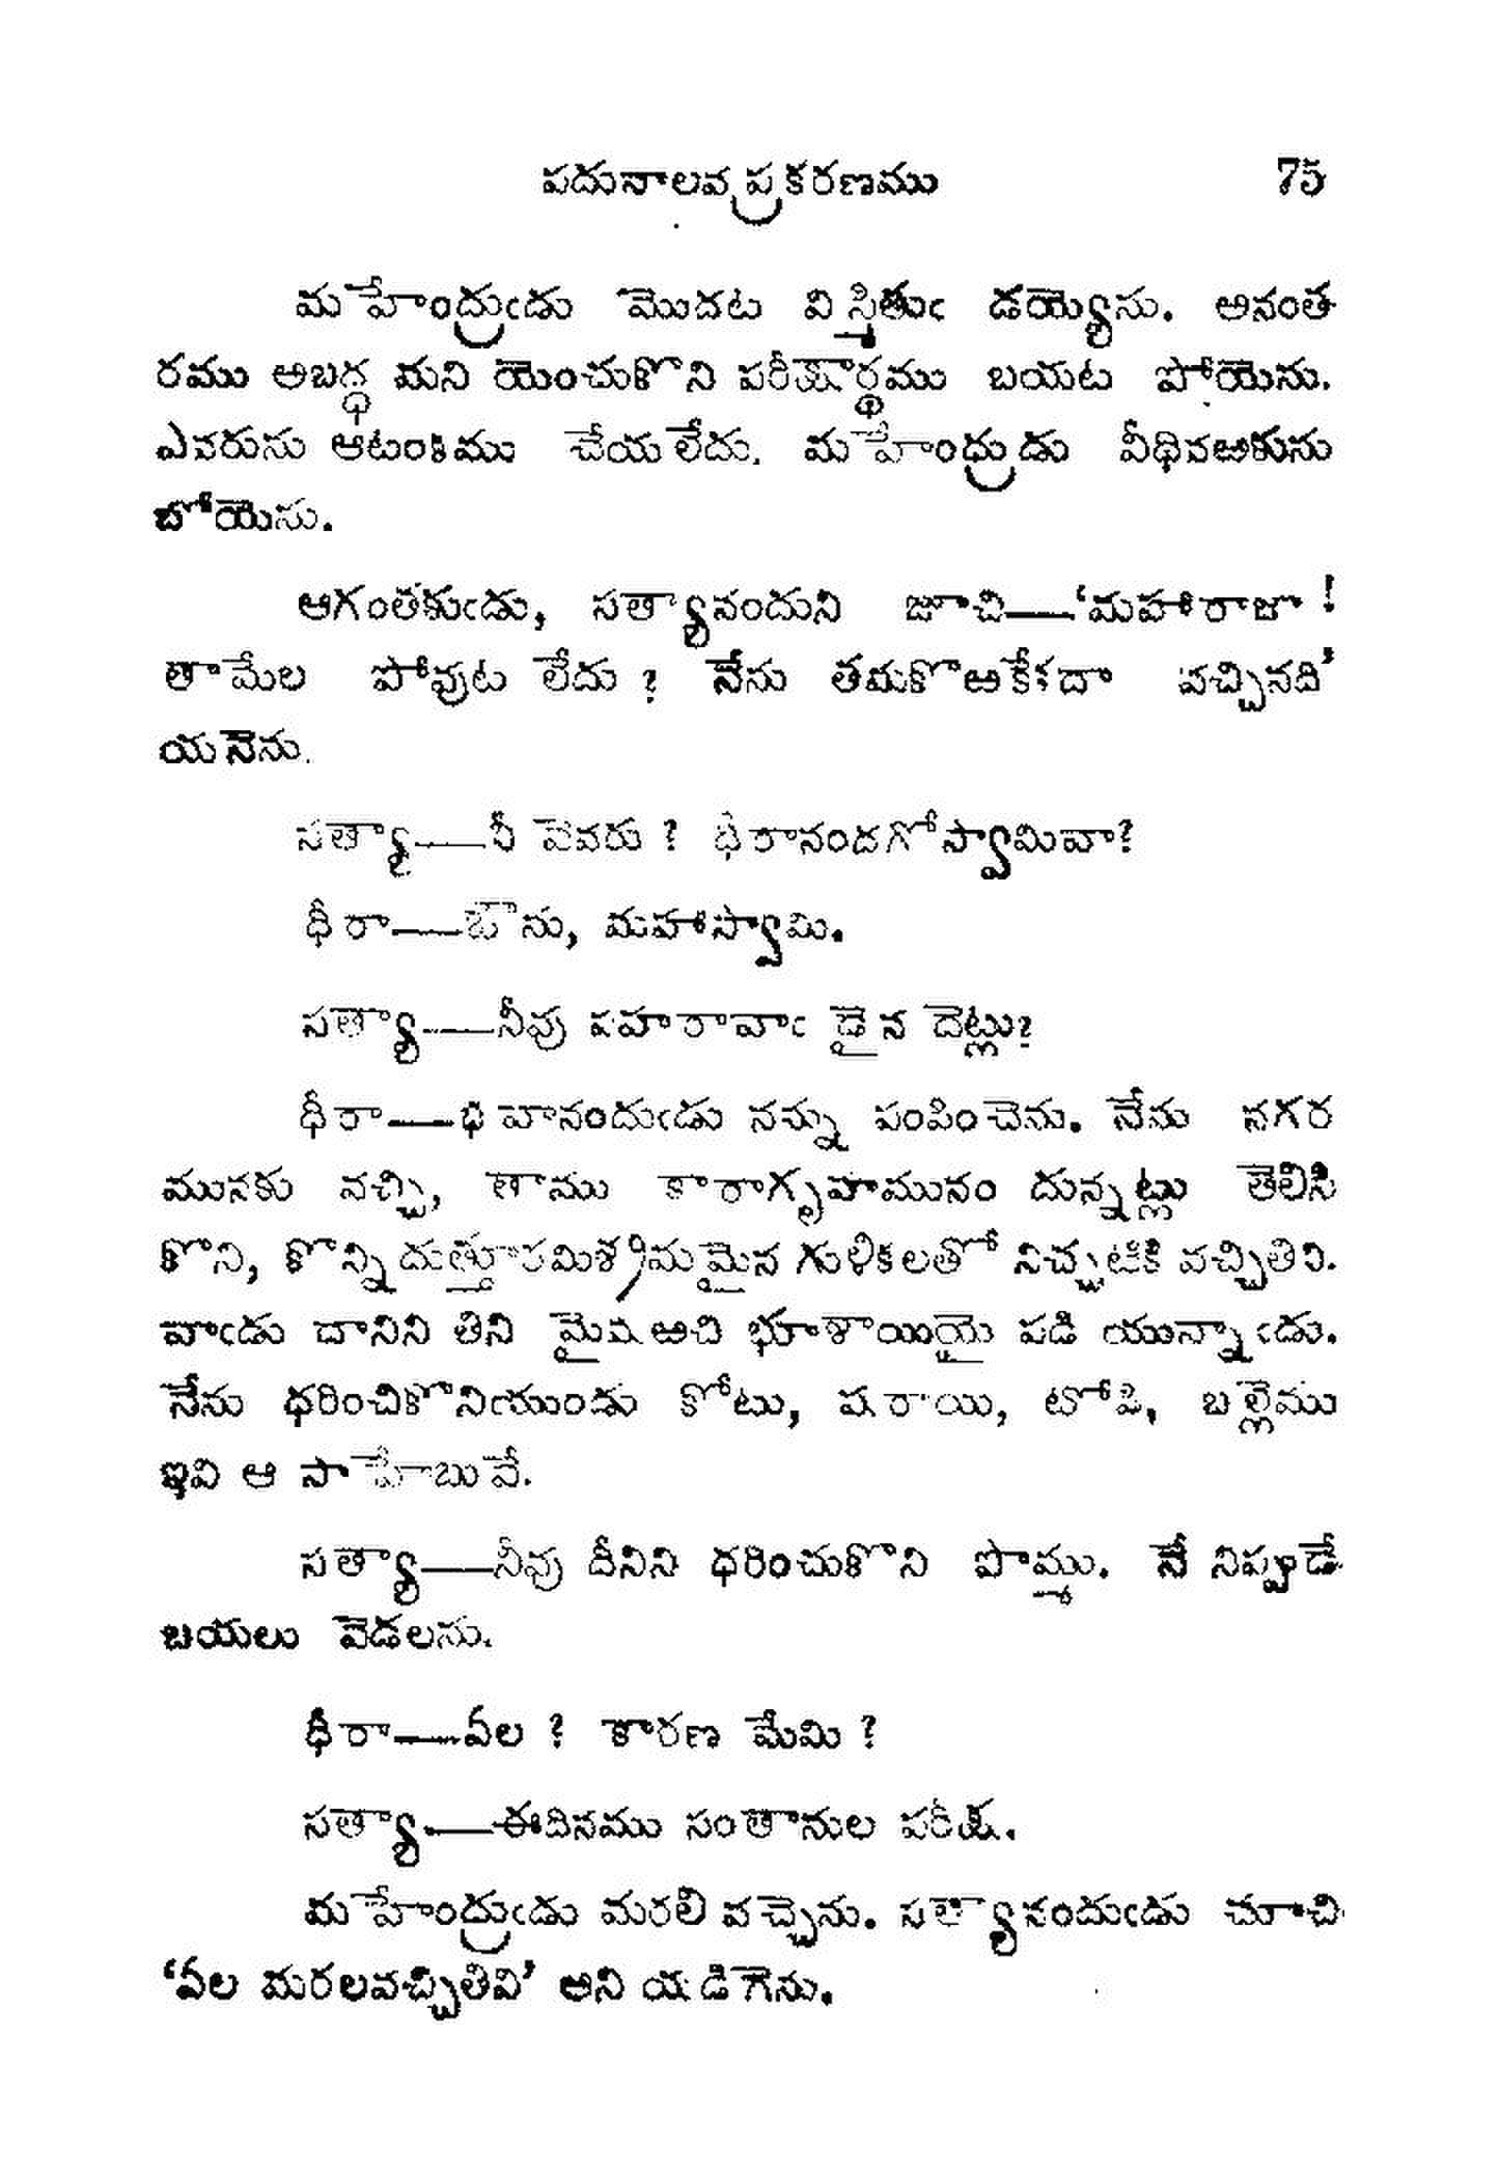మహేంద్రుఁడు 'మొదట విస్మితుఁ డయ్యెను. అనంతరము అబధ్ధ మని యెంచుకొని పరీక్షార్థము బయట పోయెను, ఎవరుసు ఆటంకము చేయలేదు. మహేంద్రుడు వీధివఱకును బోయెను.

ఆగంతకుఁడు, సత్యానందుని జూచి —— మహారాజా ! తామేల పోవుట లేదు ! నేను తమకొఱకేకదా వచ్చినది' యనెను.

సత్యా ——నీ వెవరు ? ధీరానందగోస్వామివా?

ధీరా——ఔను, మహాస్వామి.

సత్యా —— నీవు పహరావాఁ డైన దెట్లు?

దీరా—— భవానందుఁడు నన్ను పంపించెను. నేను నగరమునకు వచ్చి, తాము కారాగృహమునం దున్నట్లు తెలిసికొని, కొన్ని దుత్తూర మిశ్రమమైన గుళికలతో నిచ్చటికి వచ్చితిని. వాఁడు దానిని తిని మైమఱచి భూశాయియై పడి యున్నాఁడు. నేను ధరించి కొనియుండు కోటు, షరాయి, టోపి, బళ్లేము ఇవి ఆ సాహేబువే.

సత్యా——నీవు దీనిని ధరించుకొని పొమ్ము. నే నిప్పుడే బయలు వెడలను,

ధీరా——ఏల ? కారణ మేమి ?

సత్యా——ఈదినము సంతానుల పరీక్ష,

మహేంద్రుఁడు మరలి వచ్చెను. సత్యానందుఁడు చూచి 'ఏల మరలవచ్చితివి' అని యడిగెను.